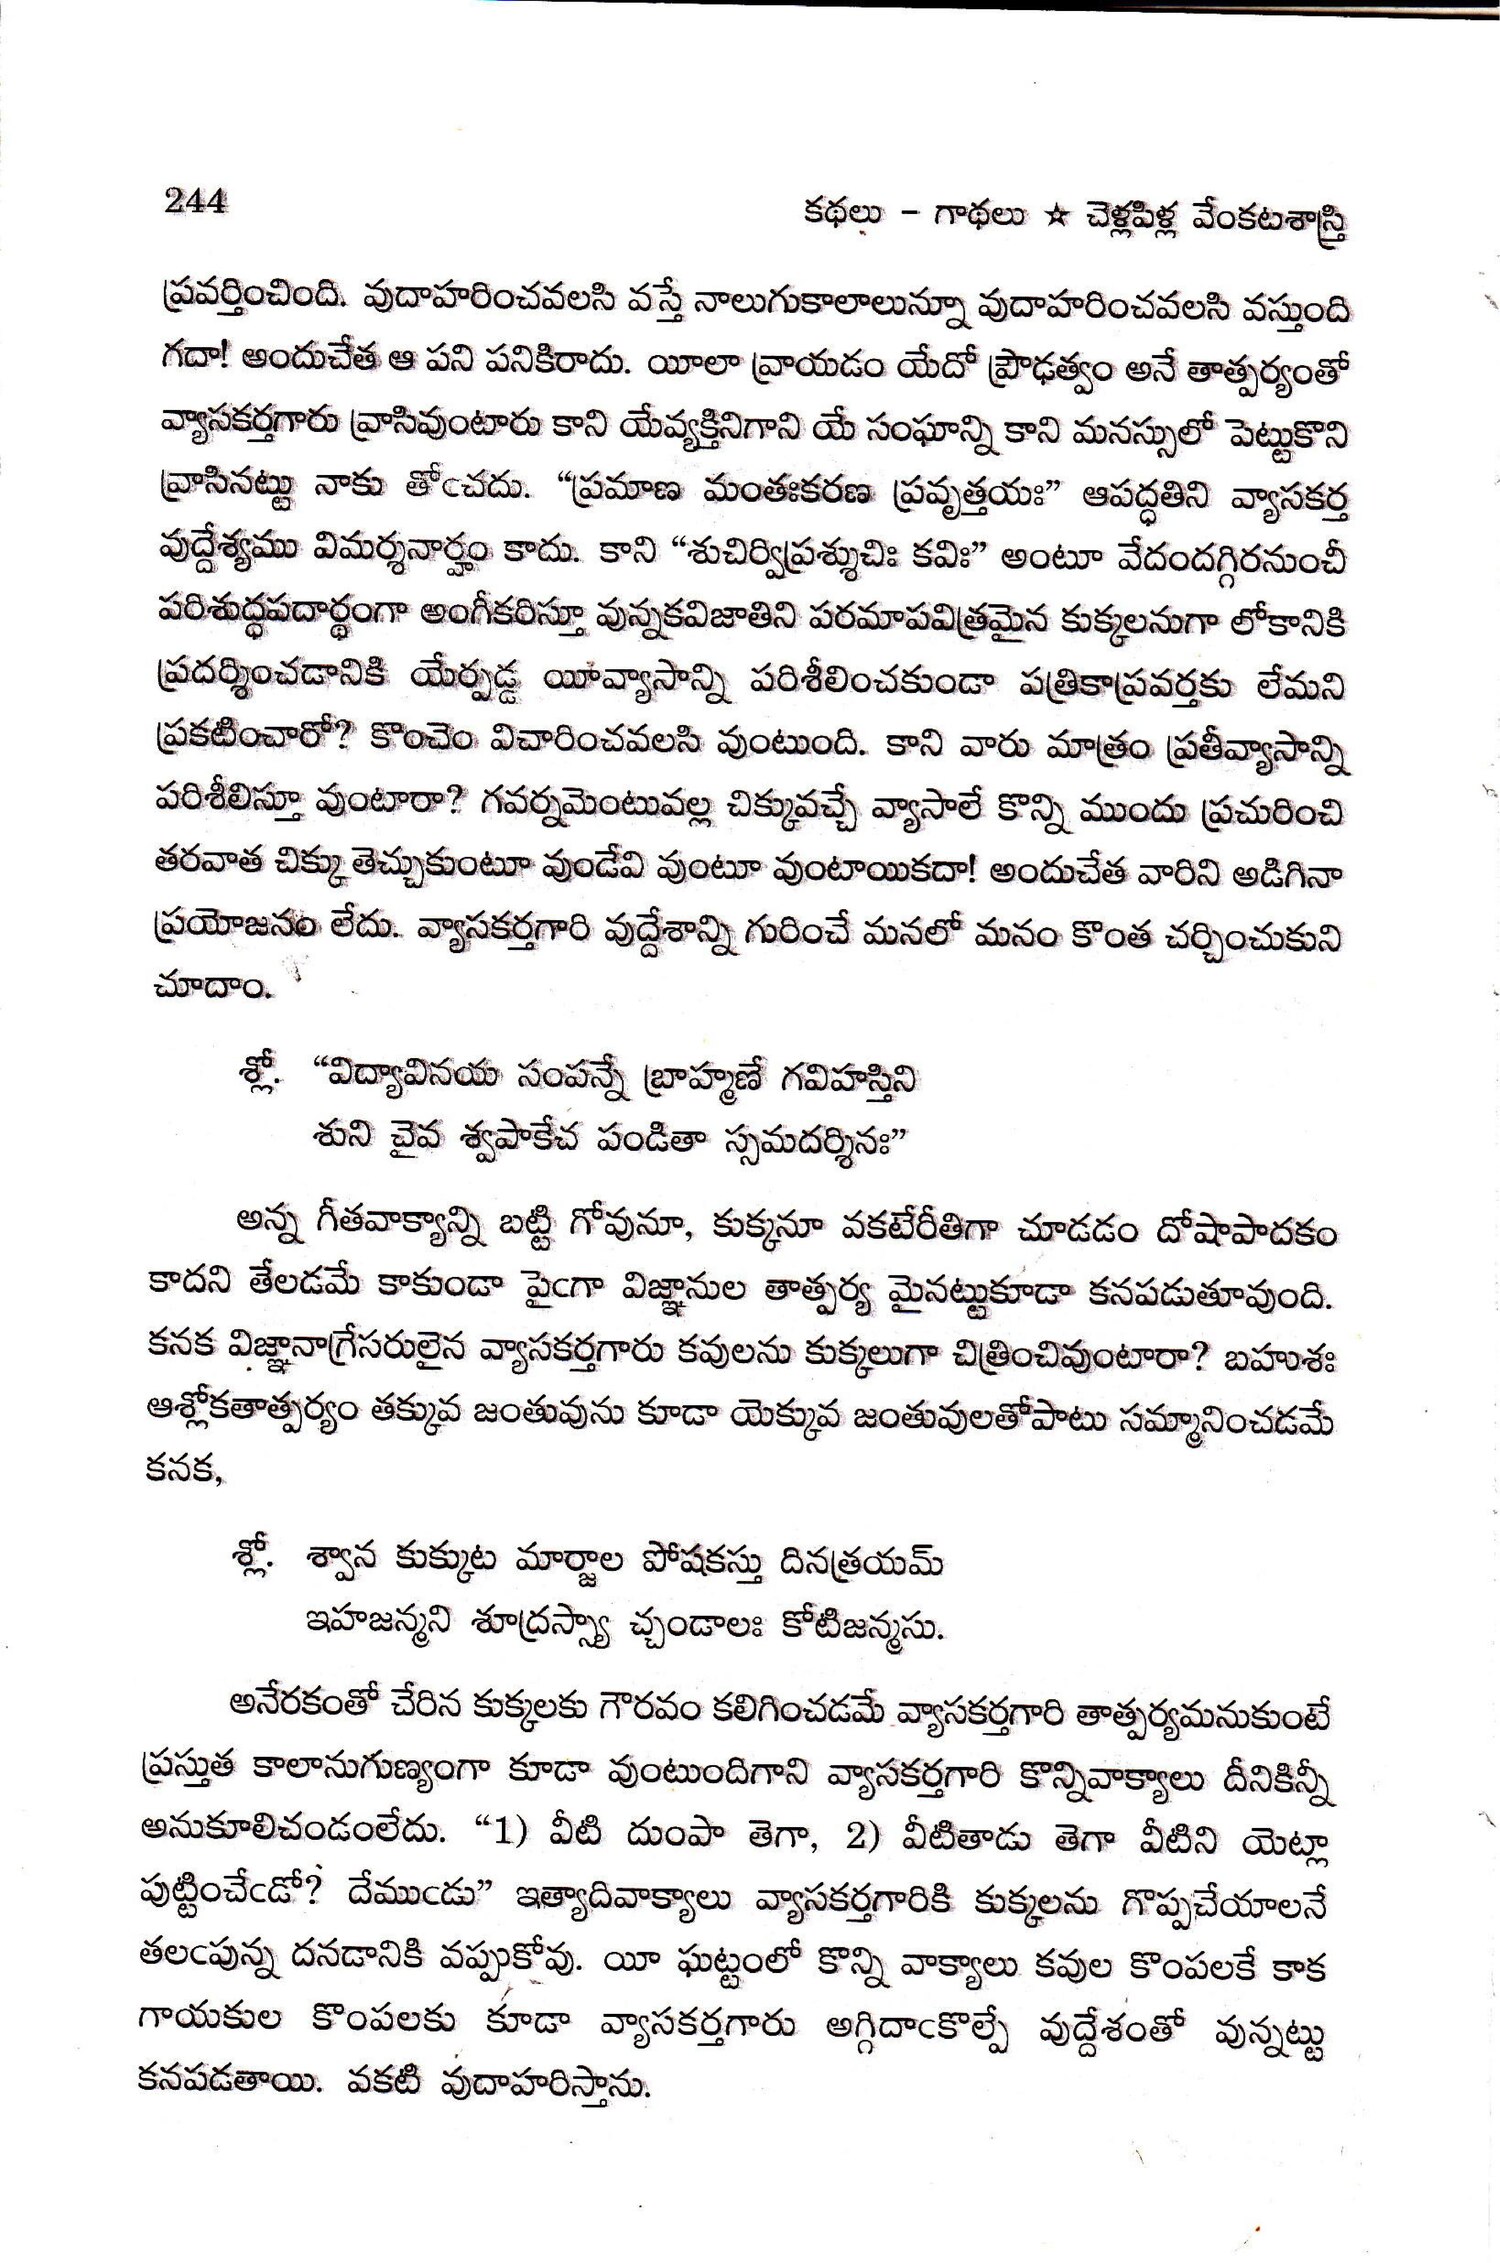ప్రవర్తించింది. వుదాహరించవలసి వస్తే నాలుగుకాలాలున్నూ వుదాహరించవలసి వస్తుంది గదా! అందుచేత ఆ పని పనికిరాదు. యీలా వ్రాయడం యేదో ప్రౌఢత్వం అనే తాత్పర్యంతో వ్యాసకర్తగారు వ్రాసివుంటారు కాని యేవ్యక్తినిగాని యే సంఘాన్నికాని మనస్సులో పెట్టుకొని వ్రాసినట్టు నాకు తోఁచదు. "ప్రమాణ మంతఃకరణ ప్రవృత్తయః" ఆపద్ధతిని వ్యాసకర్త వుద్దేశ్యము విమర్శనార్హం కాదు. కాని “శుచిర్విప్రశుచిః కవి" అంటూ వేదందగ్గరనుంచీ పరిశుద్ధపదార్థంగా అంగీకరిస్తూ వున్నకవిజాతిని పరమాపవిత్రమైన కుక్కలనుగా లోకానికి ప్రదర్శించడానికి యేర్పడ్డ యీవ్యాసాన్ని పరిశీలించకుండా పత్రికాప్రవర్తకు లేమని ప్రకటించారో? కొంచెం విచారించవలసి వుంటుంది. కాని వారు మాత్రం ప్రతీవ్యాసాన్ని పరిశీలిస్తూ వుంటారా? గవర్నమెంటువల్ల చిక్కువచ్చే వ్యాసాలే కొన్ని ముందు ప్రచురించి తరవాత చిక్కుతెచ్చుకుంటూ వుండేవి వుంటూ వుంటాయికదా! అందుచేత వారిని అడిగినా ప్రయోజనం లేదు. వ్యాసకర్తగారి వుద్దేశాన్ని గురించే మనలో మనం కొంత చర్చించుకుని చూదాం.

శ్లో. “విద్యావినయ సంపన్నే బ్రాహ్మణే గవిహస్తిని 
 శుని చైవ శ్వపాకేచ పండితా స్సమదర్శినః"
అన్న గీతవాక్యాన్ని బట్టి గోవునూ, కుక్కనూ వకటేరీతిగా చూడడం దోషాపాదకం కాదని తేలడమే కాకుండా పైఁగా విజ్ఞానుల తాత్పర్య మైనట్టుకూడా కనపడుతూవుంది. కనక విజ్ఞానాగ్రేసరులైన వ్యాసకర్తగారు కవులను కుక్కలుగా చిత్రించివుంటారా? బహుశః ఆశ్లోకతాత్పర్యం తక్కువ జంతువును కూడా యెక్కువ జంతువులతోపాటు సమ్మానించడమే కనక,

శ్లో. శ్వాన కుక్కుట మార్జాల పోషకస్తు దినత్రయమ్ 
 ఇహజన్మని శూద్రస్స్యా చ్చండాలః కోటిజన్మసు.
అనేరకంతో చేరిన కుక్కలకు గౌరవం కలిగించడమే వ్యాసకర్తగారి తాత్పర్యమనుకుంటే ప్రస్తుత కాలానుగుణ్యంగా కూడా వుంటుందిగాని వ్యాసకర్తగారి కొన్నివాక్యాలు దీనికిన్నీ అనుకూలిచండంలేదు. “1) వీటి దుంపా తెగా, 2) వీటితాడు తెగా వీటిని యెట్లా పుట్టించేఁడో? దేముఁడు" ఇత్యాదివాక్యాలు వ్యాసకర్తగారికి కుక్కలను గొప్పచేయాలనే తలఁపున్నదనడానికి వప్పుకోవు. యీ ఘట్టంలో కొన్ని వాక్యాలు కవుల కొంపలకే కాక గాయకుల కొంపలకు కూడా వ్యాసకర్తగారు అగ్గిదాఁకొల్పే వుద్దేశంతో వున్నట్టు కనపడతాయి. వకటి వుదాహరిస్తాను.